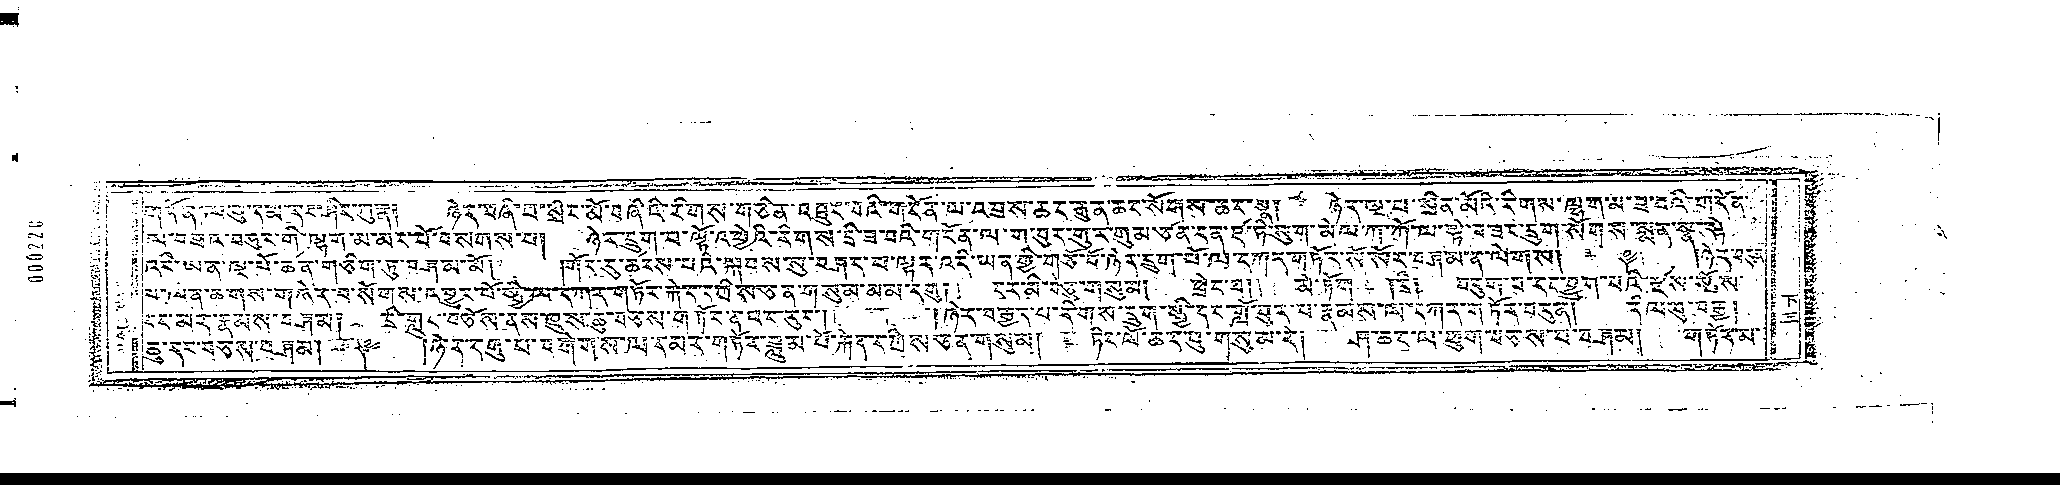གདོན་ལ་བུར་མ་དང་ཤིང་ཀུན། ཉེར་བཞི་བ་སྲིད་མོ་བཞིའི་རིགས་གཅིན་འཐུང་བའི་གདོན་ལ་འབྲས་ཆང་རྒུན་ཆང་སོགས་ཆང་སྣ། ཉེར་ལྔ་པ་སྲིན་མོའི་རིགས་ལྷག་མ་ཟ་བའི་གདན་
ལ་བཟའ་བཏུང་གི་ལྷག་མ་མང་པོ་བསགས་པ། ཉེར་དྲུག་པ་ལྟོ་འཕྱེའི་རིགས་དྲི་ཟ་བའི་གདོན་ལ་ག་བུར་གུར་གུམ་ཙན་དན་ཛ་ཏི་སུག་མེལ་ཀ་ཀོ་ལ་སྟེ་བཟང་དྲུག་སོགས་སྨན་སྣ་སྟེ་
འདི་ཡན་ལྔ་བོ་ཚན་གཅིག་ཏུ་བཤམ་མོ། །གོང་དུ་ཚངས་བའི་སྐབས་སུ་བཤད་པ་ལྟར་འདི་ཡན་གྱི་གཙོ་བོ་ཉེར་དྲུག་པོ་ལ་དཀར་གཏོར་སོ་སོར་བཤམ་ན་ལེགས། ༈ །ཉེར་བདུན་
པ་ལན་ཆགས་གཉེར་བ་སོགས་འབྱུང་པོ་སྦྱི་ལ་དཀར་གཏོར་རྐེང་དཀྲིས་ཅན་གསུམ་མམ་དགུ། དར་མི་བཅུ་གསུམ། ཕྲེང་བ། མེ་ཏོག །དྲི། །བདུག་པ་དང་བྱུག་པའི་རྫས་སྤོས་
དང་མར་རྣམས་བཤམ། །དྲི་གླུད་བཅོས་ནས་ཁྲུས་ཆུ་བཅས་གཏོང་ནའང་རུང་། །ཉེར་བརྒྱད་པ་རིགས་དྲུག་སྦྱི་དང་གློ་བུར་པ་རྣམས་ལ་དཀར་གཏོར་བདུན། །རིལ་བུ་བརྒྱ།
ཆུ་དང་བཅས་བཤམ། ༈ །ཉེར་དགུ་པ་བགེགས་ལ་དམར་གཏོར་ཟླུམ་པོ་རྐེད་དཀྲིས་ཅན་གསུམ། །ཏིད་ལོ་ཆད་བུ་གསུམ་རེ། ཤ་ཆད་ལ་ཕུག་བཅས་པ་བཤམ། གཏོར་མ་